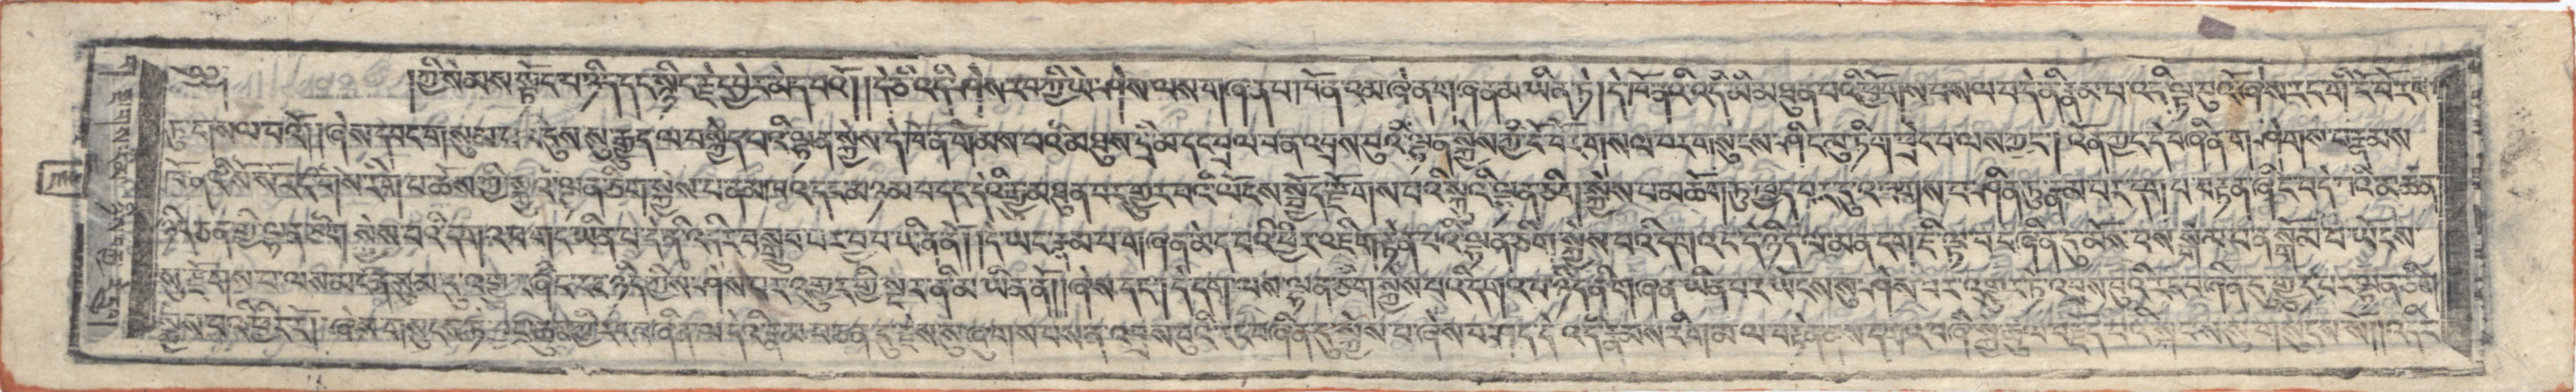༄༅། །ཀྱི་སེམས་སྟོང་པ་ཉིད་དང་སྙིང་རྗེ་དབྱེར་མེད་པའོ། །དེ་ཅི་འདི་ཤེས་རབ་ཀྱི་ཡེ་ཤེས་ལས་གཞན་པ་ཁོ་ན་འམ་ཞེ་ན་གཞན་མ་ཡིན་ཏེ། དེ་ཁོ་ནའི་འདི་མི་མཐུན་པའི་ཕྱོགས་བསལ་བ་དེ་ནི་རྣམ་པ་འདི་ལྟ་བུའོ་ཞེས་རང་གི་ངོ་བོ་རབ་
ཏུ་གསལ་བའོ། །ཞེས་དབང་གསུམ་པའི་དུས་སུ་རྒྱུད་ལ་བསྐྱེད་པའི་ལྷན་སྐྱེས་དེ་ཁོ་ན་གོམས་པའི་མཐུས་དྲི་མ་དང་བྲལ་བ་ན་འབྲས་བུའི་ལྷན་སྐྱེས་ཀྱི་ངོ་བོར་གསལ་བར་གསུངས་ཤིང་མུ་ཏིག་ཕྲེང་བ་ལས་ཀྱང་། འོན་ཀྱང་དེ་བཞིན་གཤེགས་པ་རྣམས་
ཁོ་ནའི་སོ་སོ་རང་གིས་རིག་པ་ཆོས་ཀྱི་སྐུའི་ལྷན་ཅིག་སྐྱེས་པ་ནམ་མཁའ་དང་མཉམ་པ་དང་དེའི་རྒྱུ་མཐུན་པར་གྱུར་བའི་ཡོངས་སྤྱོད་རྫོགས་པའི་སྐུའི་ལྷན་ཅིག་སྐྱེས་པ་མཆོག་ཏུ་ཁྱད་པར་དུ་འཕགས་པ་ཤིན་ཏུ་རྣམ་པར་དག་པ་བརྟན་ཞིང་བདེ་བའི་མཚན་
ཉིད་ཅན་གྱི་ལྷན་ཅིག་སྐྱེས་པའི་དགའ་བ་གང་ཡིན་པ་དེ་ནི་འདིར་བསྒྲུབ་པར་བྱ་བ་ཡིན་ནོ། །དེ་ཡང་རྣམ་པ་གཞན་མེད་པའི་ཕྱིར་འཇིག་རྟེན་པའི་ལྷན་ཅིག་སྐྱེས་པའི་དགའ་བ་དེ་ཉིད་ལ་མན་ངག་ཇི་ལྟ་བ་བཞིན་དུ་མོས་བས་སྒོམ་བ་ན་སྒོམ་པ་ཡོངས་
སུ་རྫོགས་པ་ལས་མངོན་སུམ་དུ་འགྱུར་ཞིང་རང་ཉིད་ཀྱིས་ཤེས་པར་འགྱུར་གྱི་སྔར་ནི་མ་ཡིན་ནོ། །ཞེས་དང་། དེ་དག་ལས་ལྷན་ཅིག་སྐྱེས་པའི་དགའ་བ་ཉིད་ནི་གཞན་ཡིན་པར་ཡོངས་སུ་ཤེས་པར་འགྱུར་ཏེ་འབྲས་བུའི་རང་བཞིན་དུ་གྱུར་པར་ལྷན་ཅིག་
སྐྱེས་པའི་ཕྱིར་རོ། ཞེས་གསུངས་ཏེ་བྱང་ཆུབ་ཀྱི་རང་བཞིན་ལ་དེའི་རྣམ་པ་ཅན་དུ་རྗེས་སུ་ཞུགས་པས་ན་འབྲས་བུའི་རང་བཞིན་དུ་སྐྱེས་པ་ཞེས་བཤད་དེ་འདི་རྣམས་རིག་མ་ལ་བརྟེན་ནས་དགའ་བཞི་སྐྱེ་ཚུལ་བརྗོད་པའི་སྐབས་སུ་གསུངས་སོ། །འདིར་